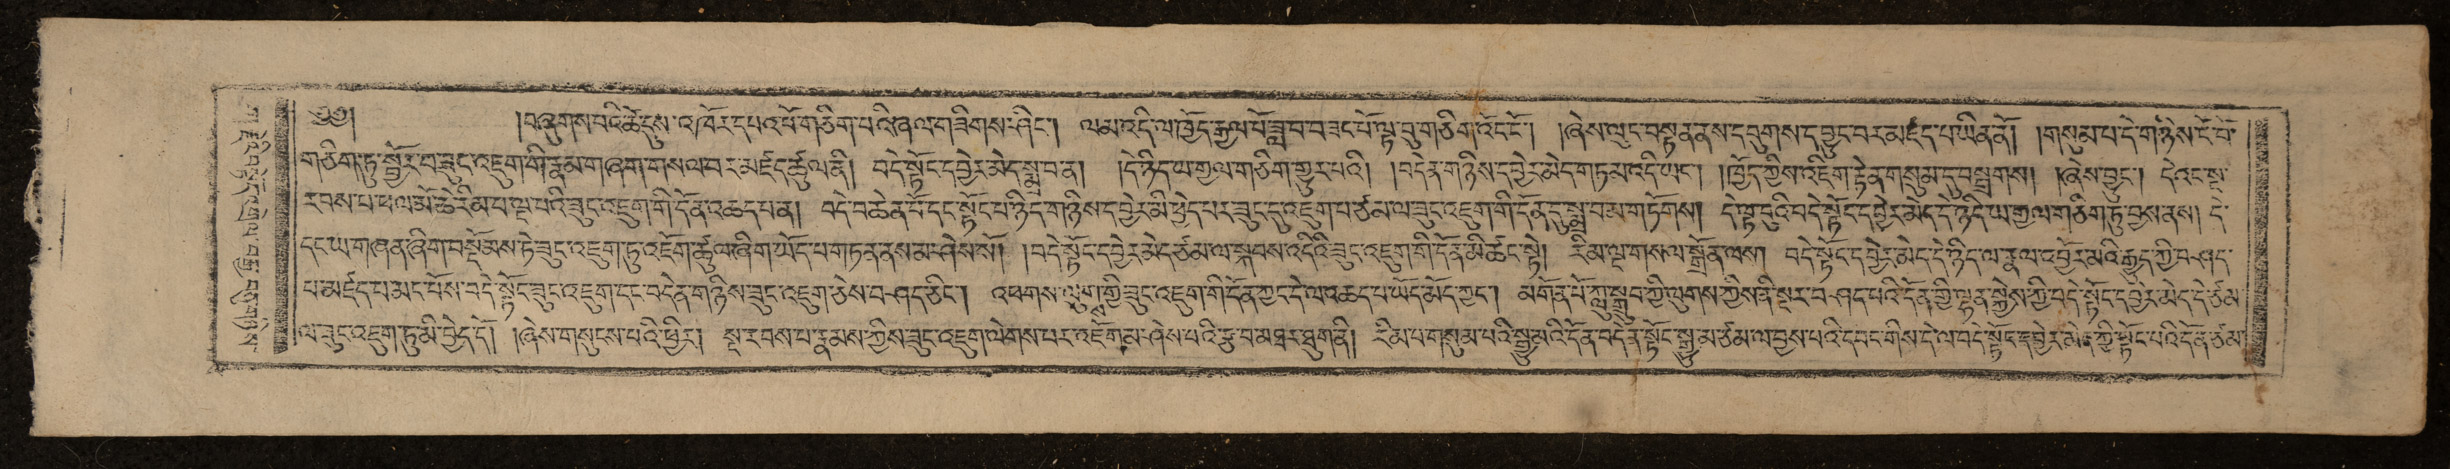༄༅། །བཞུགས་པའི་ཚེ་དུས་འཁོར་དཔའ་བོ་གཅིག་པའི་ཞལ་གཟིགས་ཤིང་། ལམ་འདི་ལ་ཁྱོད་རྒྱལ་པོ་ཟླ་བ་བཟང་པོ་ལྟ་བུ་གཅིག་འོང་ངོ། །ཞེས་ལུང་བསྟན་ནས་དབུགས་དབྱུང་པར་མཛད་བ་ཡིན་ནོ། །གསུམ་པ་དེ་གཉིས་ངོ་བོ་
གཅིག་ཏུ་སྦྱོར་བཟུང་འཇུག་གི་རྣམ་གཞག་གསལ་བར་མཛད་ཚུལ་ནི། བདེ་སྟོང་དབྱེར་མེད་སྨྲ་བ་ན། །དེ་ཉིད་ཡ་གྱལ་གཅིག་གྱུར་བའི། །བདེན་གཉིས་དབྱེར་མེད་གཏམ་འདི་ཡང་། །ཁྱོད་ཀྱིས་འཇིག་རྟེན་གསུམ་དུ་བསྒྲགས། །ཞེས་བྱུང་། དེའང་སྔ་
རབས་པ་ཕལ་མོ་ཆེ་རིམ་བ་ལྔ་པའི་ཟུང་འཇུག་གི་དོན་འཆད་པ་ན། བདེ་བ་ཆེན་པོ་དང་སྟོང་པ་ཉིད་གཉིས་དབྱེར་མི་ཕྱེད་པར་ཟུང་དུ་འཇུག་བཙམ་ལ་ཟུང་འཇུག་གི་དོན་དུ་སྨྲ་བ་མ་གཏོགས། དེ་ལྟ་བུའི་བདེ་སྟོང་དབྱེར་མེད་དེ་ཉིད་ཡ་གྱལ་གཅིག་ཏུ་བྱས་ནས། དེ་
དང་ཡ་གཞན་ཞིག་བསྡོམས་ཏེ་ཟུང་འཇུག་ཏུ་འཇོག་ཚུལ་ཞིག་ཡོད་པ་གཏན་ནས་མ་ཤེས་སོ། །བདེ་སྟོང་དབྱེར་མེད་ཙམ་ལ་སྐབས་འདིའི་ཟུང་འཇུག་གི་དོན་མི་ཚང་སྟེ། རིམ་ལྔགས་ལ་སྒྲོན་ལས། བདེ་སྟོང་དབྱེར་མེད་དེ་ཉིད་ལ་རྣལ་འབྱོར་མའི་རྒྱུད་ཀྱི་བཤད་
པ་མཛད་པ་མང་པོས་བདེ་སྟོང་ཟུང་འཇུག་དང་བདེན་གཉིས་གཟུང་འཇུག་ཅེས་བཤད་ཅིང་། འཕགས་ལུགས་གྱི་ཟུང་འཇུག་གི་དོན་ཀྱང་དེ་ལ་འཆད་པ་ཡོད་མོད་ཀྱང་། མགོན་པོ་ཀླུ་སྒྲུབ་ཀྱི་ལུགས་ཀྱིས་ནི་སྔར་བཤད་པའི་དོན་གྱི་ལྷན་སྐྱེས་ཀྱི་བདེ་སྟོང་དབྱེར་མེད་དེ་ཙམ་
ལ་ཟུང་འཇུག་ཏུ་མི་བྱེད་དོ། །ཞེས་གསུངས་པའི་ཕྱིར། སྔ་རབས་པ་རྣམས་ཀྱིས་ཟུང་འཇུག་ལེགས་པར་འཇོག་མ་ཤེས་པའི་རྩ་བ་མཐར་ཐུག་ནི། རིམ་པ་གསུམ་པའི་སྒྱུ་མའི་དོན་བདེན་སྟོང་སྒྱུ་མ་ཙམ་ལ་བྱས་པའི་དབང་གིས་དེ་ལ་བདེ་སྟོང་དབྱེར་མེད་ཀྱི་སྟོང་པའི་དོན་ཙམ་